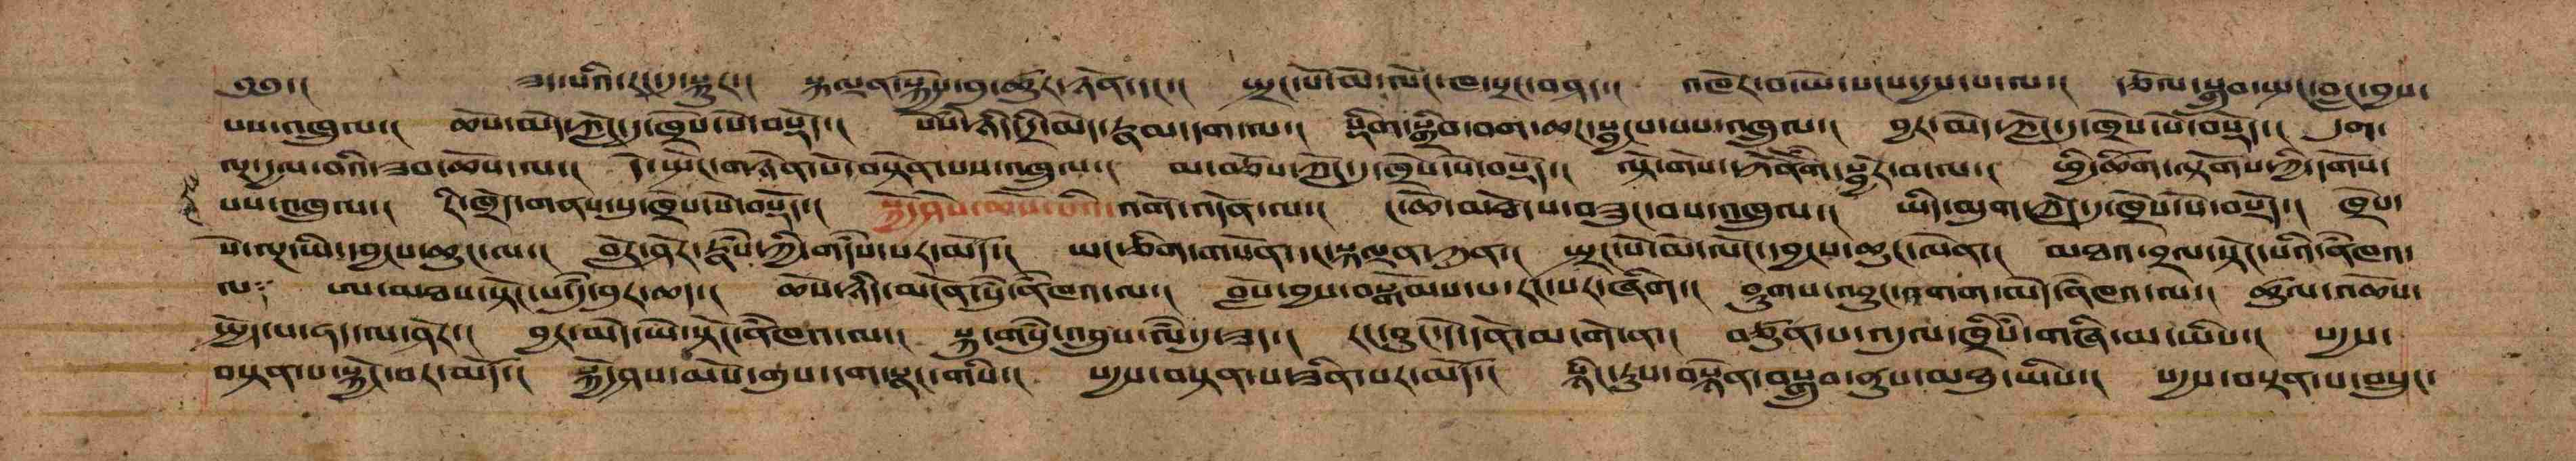༄༅།། ཟད་པའི་རང་དུ་སྐྱུར།། སྐལ་ལྡན་སྐྱེས་བུ་ཚུར་ཉོན་དང་།། སྤྲང་པོ་མེ་ལོང་ཁ་སྲང་བཤད།། འཁོར་བ་ཡེ་སངས་རྒྱས་པ་ལ།། རྩོལ་སྒྲུབ་སྤང་བླང་བྱས་
པས་འཁྲུལ།། ཆོས་མེད་ཀློང་དུ་ཁྲེས་སེ་བསྡོད།། སེམས་ཉིད་དྲི་མེད་རྣམ་དག་ལ།། སྡིག་སྒྲིབ་བག་ཆགས་སྦྱངས་པས་འཁྲུལ།། བྱར་མེད་ཀློང་དུ་ཁྲེས་སེ་བསྡོད།། དུག་
ལྔ་རྒྱལ་བའི་ཟབ་ཆོས་ལ།། དེ་སྤོང་གཉེན་པོ་བསྟེན་པ་འཁྲུལ།། མ་བཅོས་ཀློང་དུ་ཁྲེས་སེ་བསྡོད།། ལྟོ་གོས་དཀོན་མཆོག་སྦྱོར་བ་ལ།། ཕྱི་ཚིག་ལྟོགས་ཀྱི་དོགས་
པས་འཁྲུལ།། རི་ཁྲོད་གནས་སུ་ཁྲེས་སེ་བསྡོད།། སྐྱོ་ཤས་ཆོས་པའི་འགོ་འདོན་ལ།། ང་ཆེ་མཐོ་ས་བཟུང་བས་འཁྲུལ།། ཡི་མུག་ཀློང་དུ་ཁྲེས་སེ་བསྡོད།། ཁྲེས་
སེ་ལྔ་ཡི་དབྱངས་ཆུང་ལ།། བློར་ཤོར་རྣམས་ཀྱི་གདམས་པར་མཛོད།། ཡང་ཅིག་གསོན་དང་སྐལ་ལྡན་ཀུན།། སྤྲང་པོ་མེ་ལོང་དབྱངས་ཆུང་ལེན།། མཐའ་བྲལ་སྟོང་པའི་ནམ་མཁའ་
ལ།། ཨ་འཐས་སྟོང་པའི་དུམ་བུར་ཆད།། ཆོས་ཉིད་མངོན་སུམ་ནམ་མཁའ་ལ།། བློས་བྱས་སྒོམ་པ་རང་སར་ཞིག།། ཤུགས་འབྱུང་དགག་མེད་ནམ་མཁའ་ལ།། ཚུལ་འཆོས་
སྤྱོད་པ་ཧད་ལ་ཤོར།། བྱར་མེད་ཡེ་སྟོང་ནམ་མཁའ་ལ།། སྐུ་གསུམ་འབྲས་བུ་ལམ་དུ་ཟད།། རང་བྱུང་དེ་དོན་མ་གོ་ན།། བཙུན་པ་འདུལ་ཁྲིམས་གཞི་མ་ཡིས།། སངས་རྒྱས་
བསྟན་པ་སྐྱོང་བར་མཛོད།། སྐྱོ་ཤས་མོས་གུས་དག་སྣང་གིས།། སངས་རྒྱས་བསྟན་པ་ཟིན་པར་མཛོད།། སྙིང་རུས་བསྙེན་སྒྲུབ་ནུས་མཐུ་ཡིས།། སངས་རྒྱས་བསྟན་པ་བསྲུང་